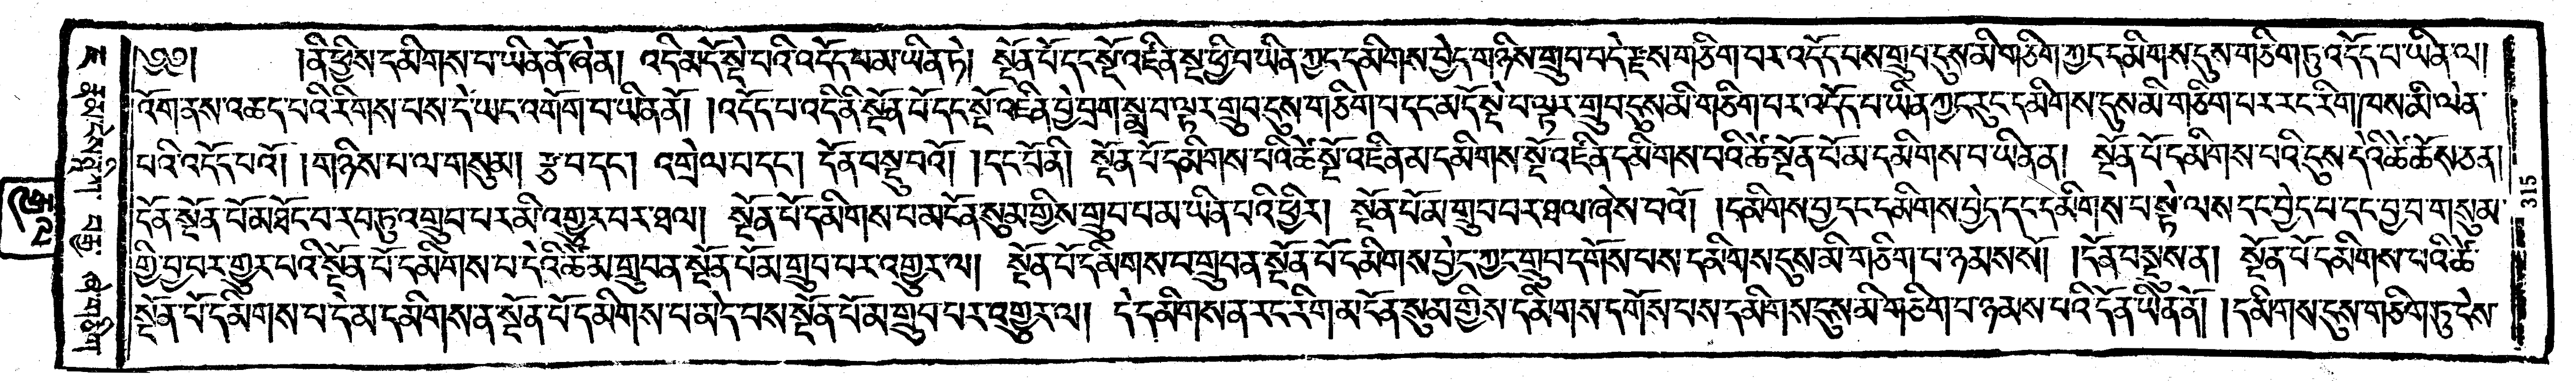༄༅། །ནི་ཕྱིས་དམིགས་པ་ཡིན་ནོ་ཞེ་ན། འདི་མདོ་སྡེ་པའི་འདོད་པ་མ་ཡིན་ཏེ། སྔོན་པོ་དང་སྔོ་འཛིན་སྔ་ཕྱི་བ་ཡིན་ཀྱང་དམིགས་བྱེད་གཉིས་གྲུབ་བདེ་རྫས་གཅིག་པར་འདོད་པས་གྲུབ་དུས་མི་གཅིག་ཀྱང་དམིགས་དུས་གཅིག་ཏུ་འདོད་པ་ཡིན་ལ།
འོག་ནས་འཆད་པའི་རིགས་པས་དེ་ཡང་འགོག་པ་ཡིན་ནོ། །འདོད་པ་འདི་ནི་སྔོན་པོ་དང་སྔོ་འཛིན་བྱེ་བྲག་སྨྲ་བ་ལྟར་གྲུབ་དུས་གཅིག་པ་དང་མདོ་སྡེ་པ་ལྟར་གྲུབ་དུས་མི་གཅིག་པར་འདོད་པ་ཡིན་ཀྱང་རུང་དམིགས་དུས་མི་གཅིག་པར་རང་རིག་ཁས་མི་ལེན་
པའི་འདོད་པའོ། །གཉིས་པ་ལ་གསུམ། རྩ་བ་དང་། འགྲེལ་པ་དང་། དོན་བསྡུ་བའོ། །དང་པོ་ནི། སྔོན་པོ་དམིགས་པའི་ཚེ་སྔོ་འཛིན་མ་དམིགས་སྔོ་འཛིན་དམིགས་པའི་ཚེ་སྔོན་པོ་མ་དམིགས་པ་ཡིན་ན། སྔོན་པོ་དམིགས་པའི་དུས་དེའི་ཚེ་ཆོས་ཅན།
དོན་སྔོན་པོ་མཐོང་བ་རབ་ཏུ་འགྲུབ་པར་མི་འགྱུར་བར་ཐལ། སྔོན་པོ་དམིགས་པ་མངོན་སུམ་གྱིས་གྲུབ་པ་མ་ཡིན་པའི་ཕྱིར། སྔོན་པོ་མ་གྲུབ་པར་ཐལ་ཞེས་པའོ། །དམིགས་བྱ་དང་དམིགས་བྱེད་དང་དམིགས་པ་སྟེ་ལས་དང་བྱེད་པ་དང་བྱ་བ་གསུམ་
གྱི་བྱ་བར་གྱུར་པའི་སྔོན་པོ་དམིགས་པ་དེའི་ཚེ་མ་གྲུབ་ན་སྔོན་པོ་མ་གྲུབ་པར་འགྱུར་ལ། སྔོན་པོ་དམིགས་པ་གྲུབ་ན་སྔོན་པོ་དམིགས་བྱེད་ཀྱང་གྲུབ་དགོས་པས་དམིགས་དུས་མི་གཅིག་པ་ཉམས་སོ། །དོན་བསྡུས་ན། སྔོན་པོ་དམིགས་པའི་ཚེ་
སྔོན་པོ་དམིགས་པ་དེ་མ་དམིགས་ན་སྔོན་པོ་དམིགས་པ་མེད་པས་སྔོན་པོ་མ་གྲུབ་པར་འགྱུར་ལ། དེ་དམིགས་ན་རང་རིག་མངོན་སུམ་གྱིས་དམིགས་དགོས་པས་དམིགས་དུས་མི་གཅིག་པ་ཉམས་པའི་དོན་ཡིན་ནོ། །དམིགས་དུས་གཅིག་ཏུ་ངེས་